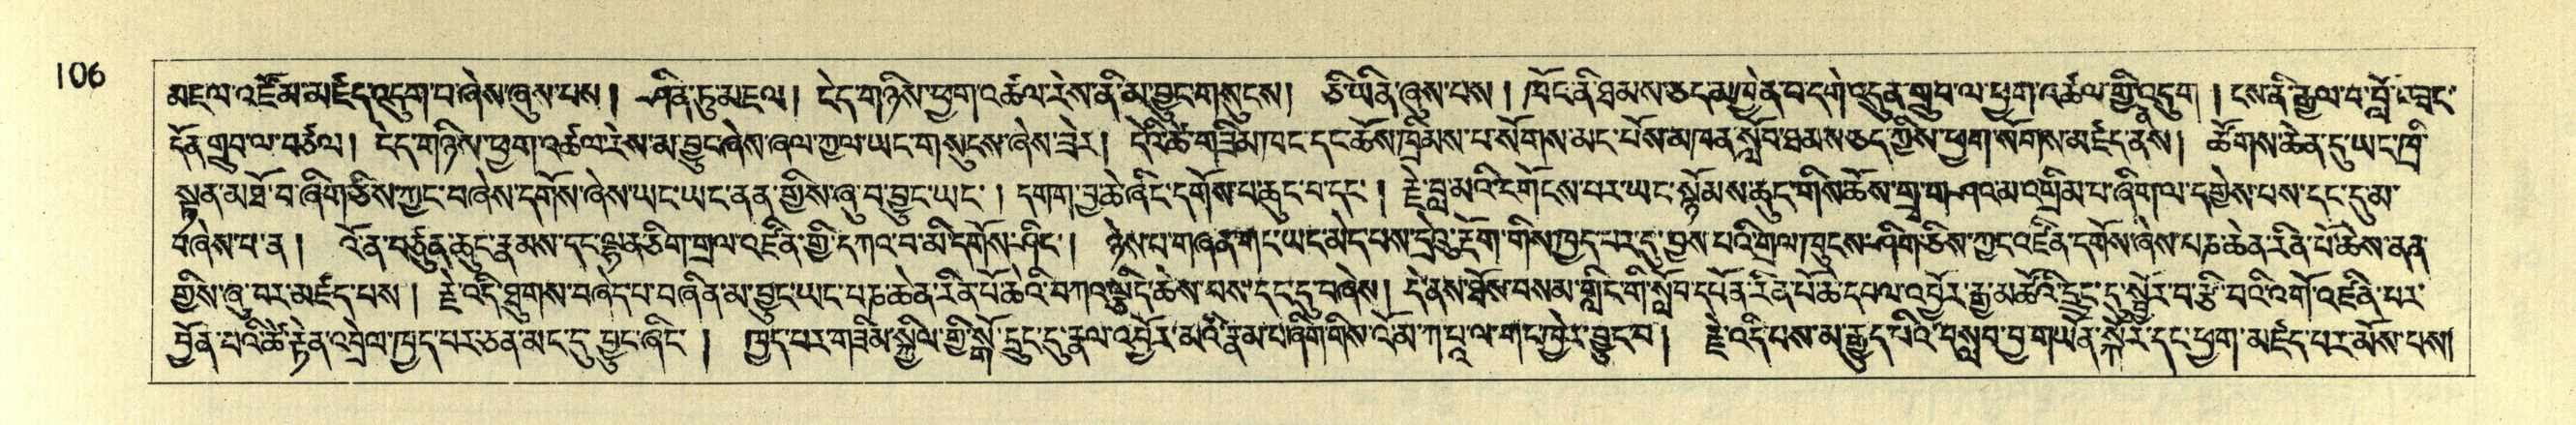མཇལ་འཛོམ་མཛད་འདུག་པ་ཞེས་ཞུས་པས། ཤིན་ཏུ་མཇལ། ངེད་གཉིས་ཕྱག་འཚལ་རེས་ནི་མ་བྱུང་གསུངས། ཅི་ཡིན་ཞུས་པས། ཁོང་ནི་ཐམས་ཅད་མཁྱེན་བ་དགེ་འདུན་གྲུབ་ལ་ཕྱག་འཚལ་གྱིན་འདུག །ངས་ནི་རྒྱལ་བ་བློ་བཟང་
དོན་གྲུབ་ལ་བཙལ། ངེད་གཉིས་ཕྱག་འཚལ་རེས་མ་བྱུང་ཞེས་ཞལ་ཀྱལ་ཡང་གསུངས་ཞེས་ཟེར། དེའི་ཚེ་གཟིམ་ཁང་དང་ཆོས་ཁྲིམས་པ་སོགས་མང་པོས་མཁན་སློབ་ཐམས་ཅད་ཀྱིས་ཕྱག་སོགས་མཛད་ནས། ཚོགས་ཆེན་དུ་ཡང་ཁྲི་
སྟན་མཐོ་བ་ཞིག་ཅིས་ཀྱང་བཞེས་དགོས་ཞེས་ཡང་ཡང་ནན་གྱིས་ཞུ་བ་བྱུང་ཡང་། དགག་བྱ་ཆེ་ཞིང་དགོས་པ་ཆུང་བ་དང་། རྗེ་བླ་མའི་དགོངས་པར་ཡང་སྙོམས་ཆུང་གིས་ཆོས་གྲྭ་གཤའ་མ་འགྲིམ་པ་ཞིག་ལ་དགྱེས་པས་དང་དུ་མ་
བཞེས་པ་ན། འོ་ན་བཙུན་ཆུང་རྣམས་དང་ལྷན་ཅིག་གྲལ་འཛིན་གྱི་དཀའ་བ་མི་དགོས་ཤིང་། ཉེས་པ་གཞན་གང་ཡང་མེད་པས་དྲེའུ་རྡོག་གིས་ཁྱད་པར་དུ་བྱས་པའི་གྲལ་ཁུངས་ཤིག་ཅིས་ཀྱང་འཛིན་དགོས་ཞེས་པཎ་ཆེན་རིན་པོ་ཆེས་ནན་
གྱིས་ཞུ་བར་མཛད་པས། རྗེ་འདི་ཐུགས་བཞེད་པ་བཞིན་མ་བྱུང་ཡང་པཎ་ཆེན་རིན་པོ་ཆེའི་བཀའ་ལྕིད་ཆེས་བས་དང་དུ་བཞེས། དེ་ནས་ཐོས་བསམ་གླིང་གི་སློབ་དཔོན་རིན་པོ་ཆེ་དཔལ་འབྱོར་རྒྱ་མཚོའི་དྲུང་དུ་སྦྱོར་བ་རྩི་བའི་འགོ་འཛིན་པར་
བྱོན་པའི་ཚེ་རྟེན་འབྲེལ་ཁྱད་པར་ཅན་མང་དུ་བྱུང་ཞིང་། ཁྱད་པར་གཟིམ་སྐྱིལ་གྱི་སྒོ་དྲུང་དུ་རྣལ་འབྱོར་མའི་རྣམ་པ་ཞིག་གིས་ལོ་མ་ཀ་པཱ་ལ་གང་ཁྱེར་བྱུང་བ། རྗེ་འདི་པས་མ་རྒྱུད་པའི་བསླབ་བྱ་གཡོན་སྐོར་དང་ཕྱག་མཛད་པར་མོས་པས།